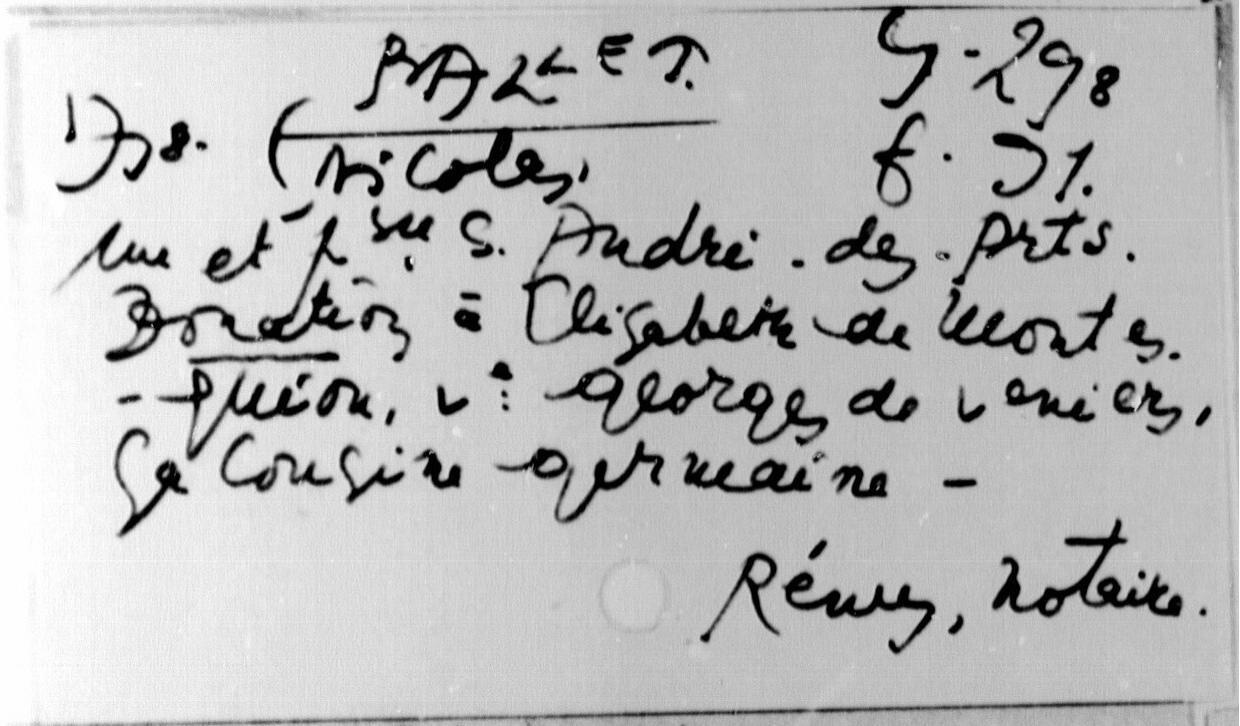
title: BALLET (Nicolas)
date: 1718
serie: Y
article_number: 298
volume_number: folio 91
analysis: rue et paroisse Saint-André-des-Arts. Donation à Elisabeth de Montesquiou, veuve Georges de Veniers, sa cousine Germaine. Rémy, notaire.
